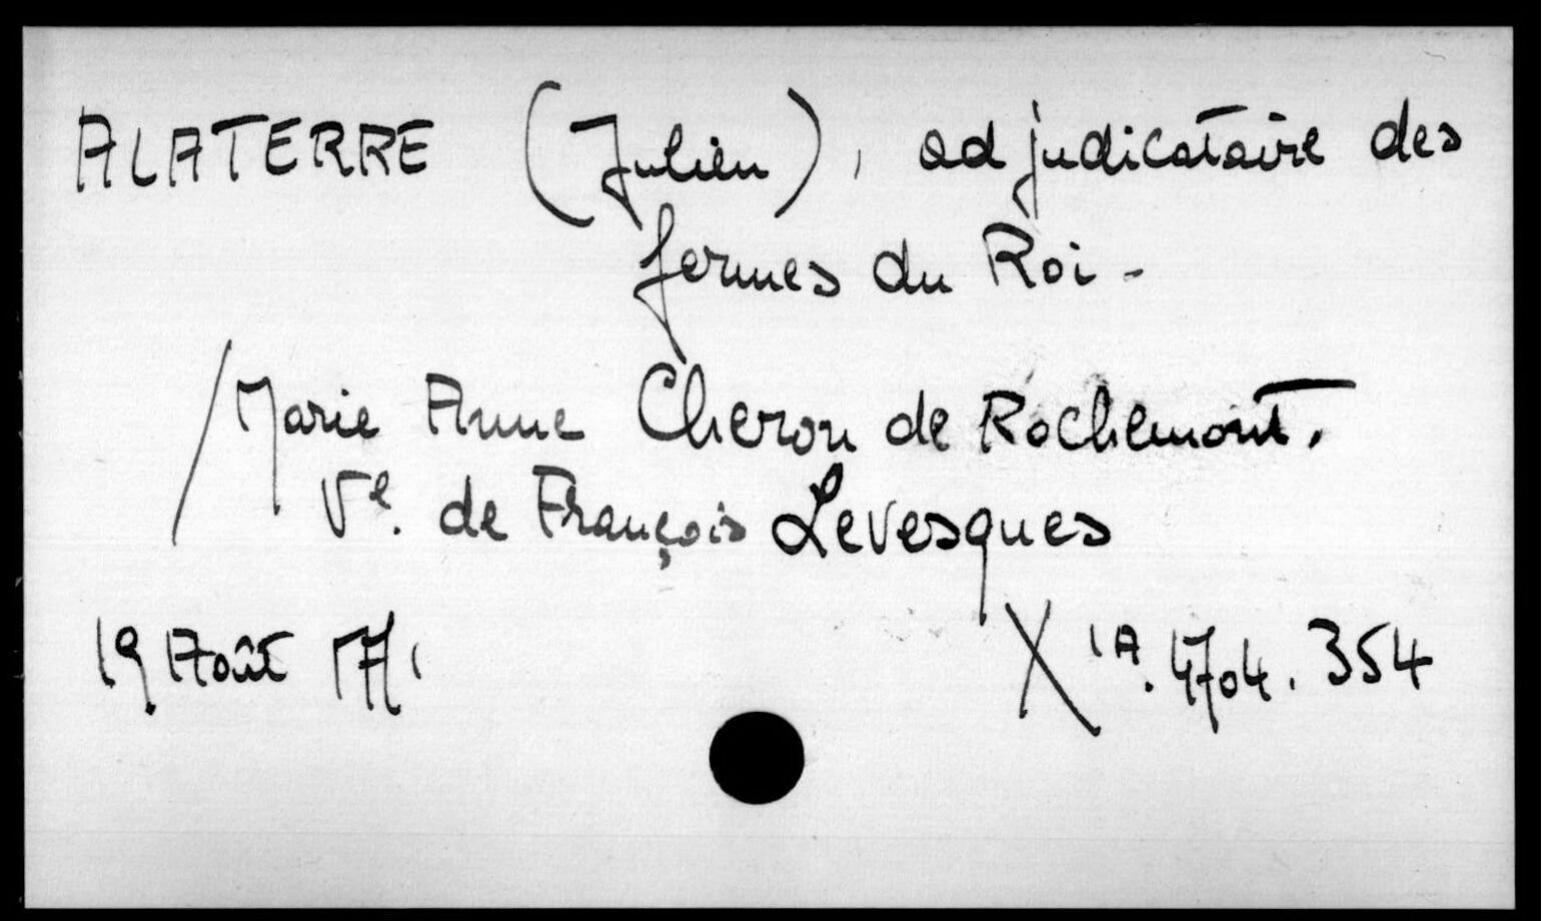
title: ALATERRE (Julien) Adjudicataire des fermes du Roi.
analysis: Contre Marie Anne Cheron de Rochemont, Veuve de François Levesques
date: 19 août 1771
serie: X1A
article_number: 4704
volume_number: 354
